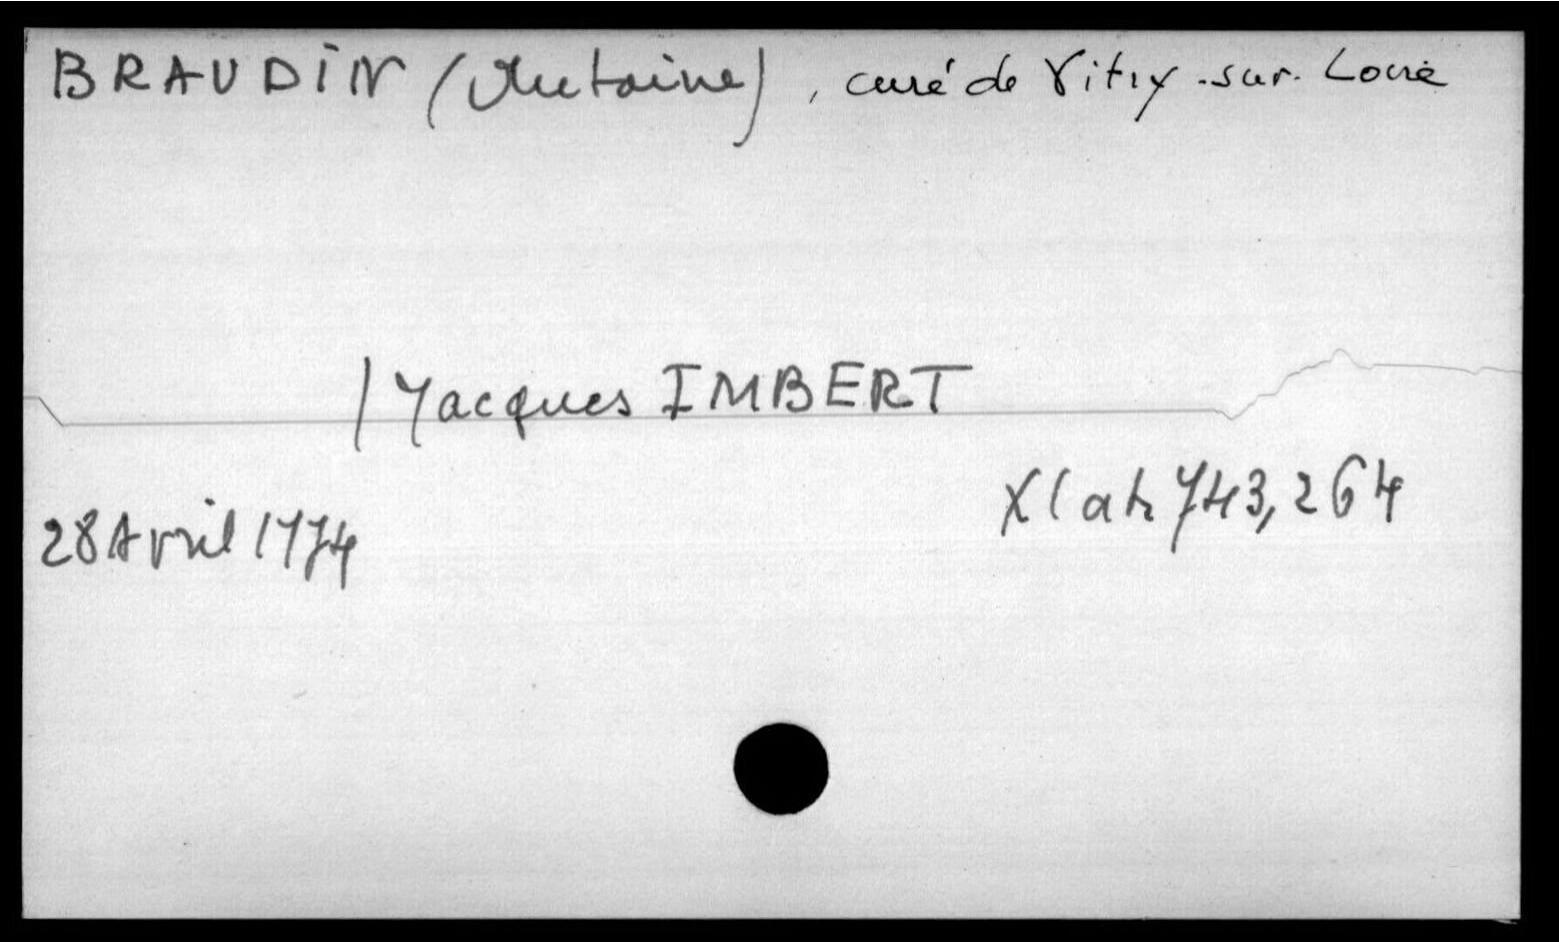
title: BRAUDIN (Antoine), curé de Vitry-sur-Loire
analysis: Contre Jacques IMBERT
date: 28 avril 1774
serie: X1a
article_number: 4743
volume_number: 264
